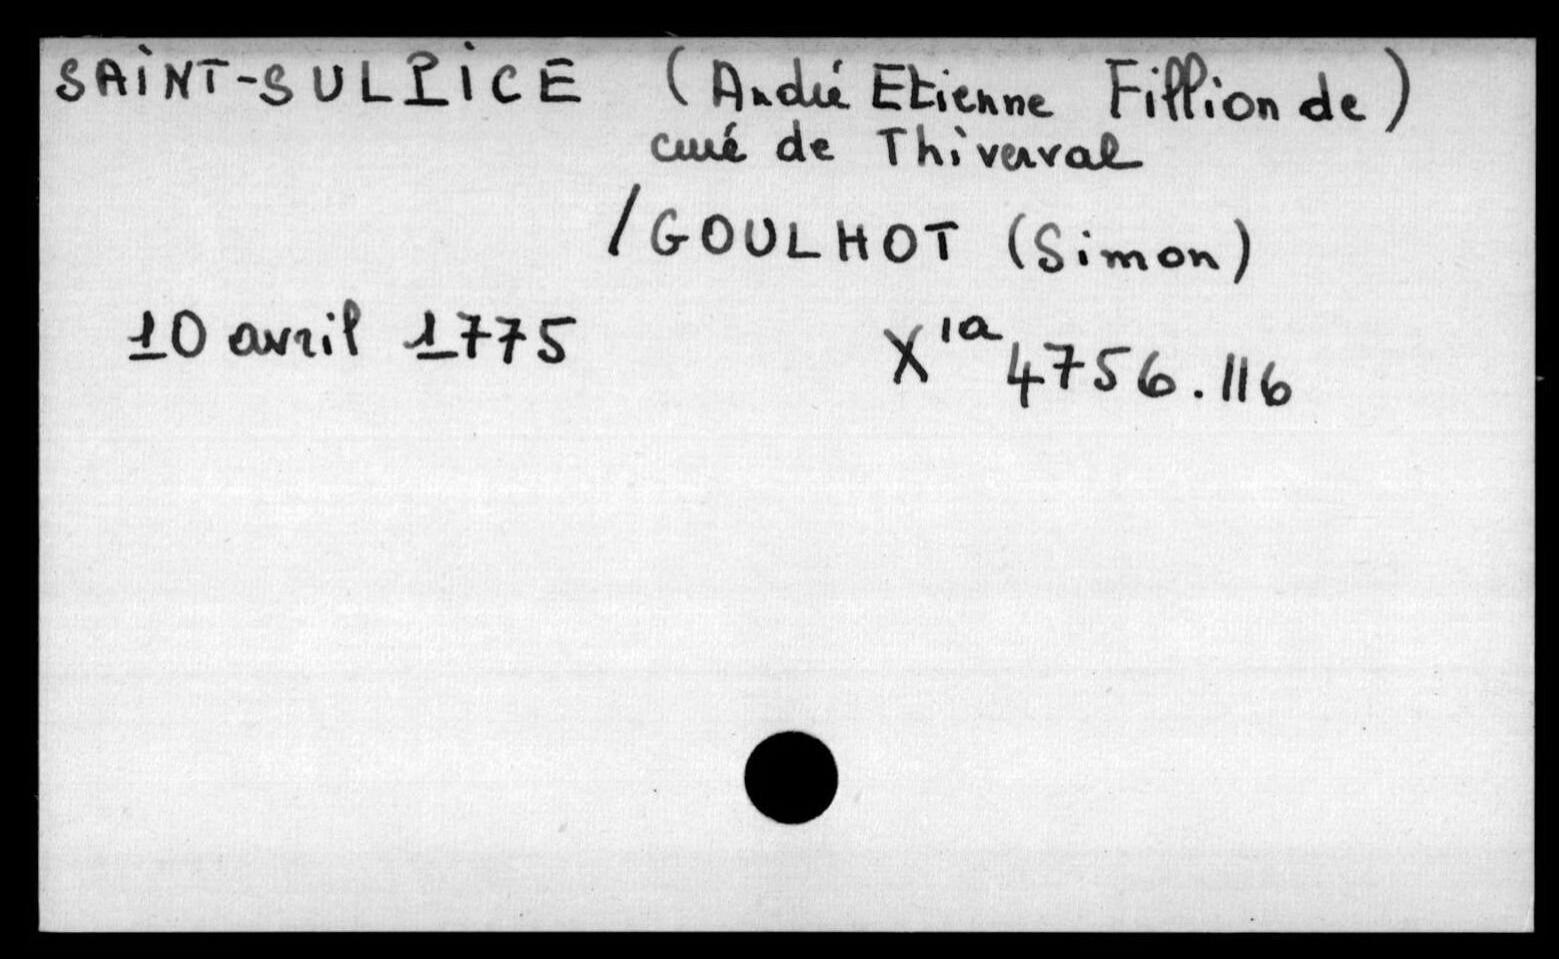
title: SAINT-SULPICE (André Étienne Fillion de) curé de Thiverval
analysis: Contre GOULHOT (Simon)
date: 10 avril 1775
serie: X1a
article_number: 4756
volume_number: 116
